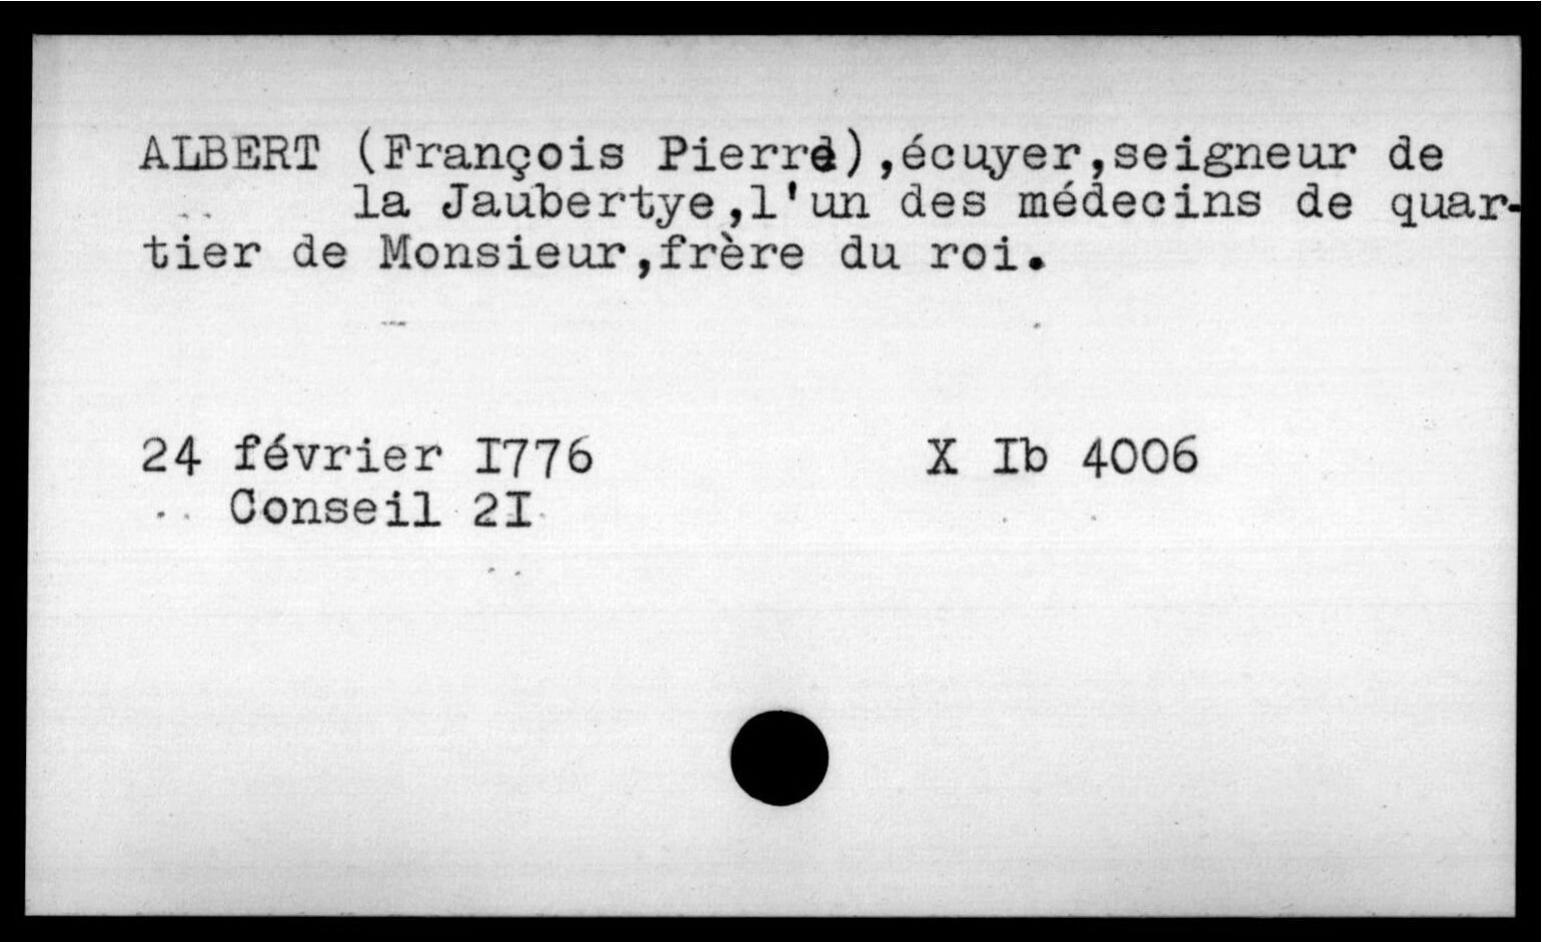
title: ALBERT (François Pierre), écuyer, seigneur de la Jaubertye, l'un des médecins de quartier de Monsieur, frère du roi
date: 24 février 1776
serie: X1b
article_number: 4006
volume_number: Conseil 21
